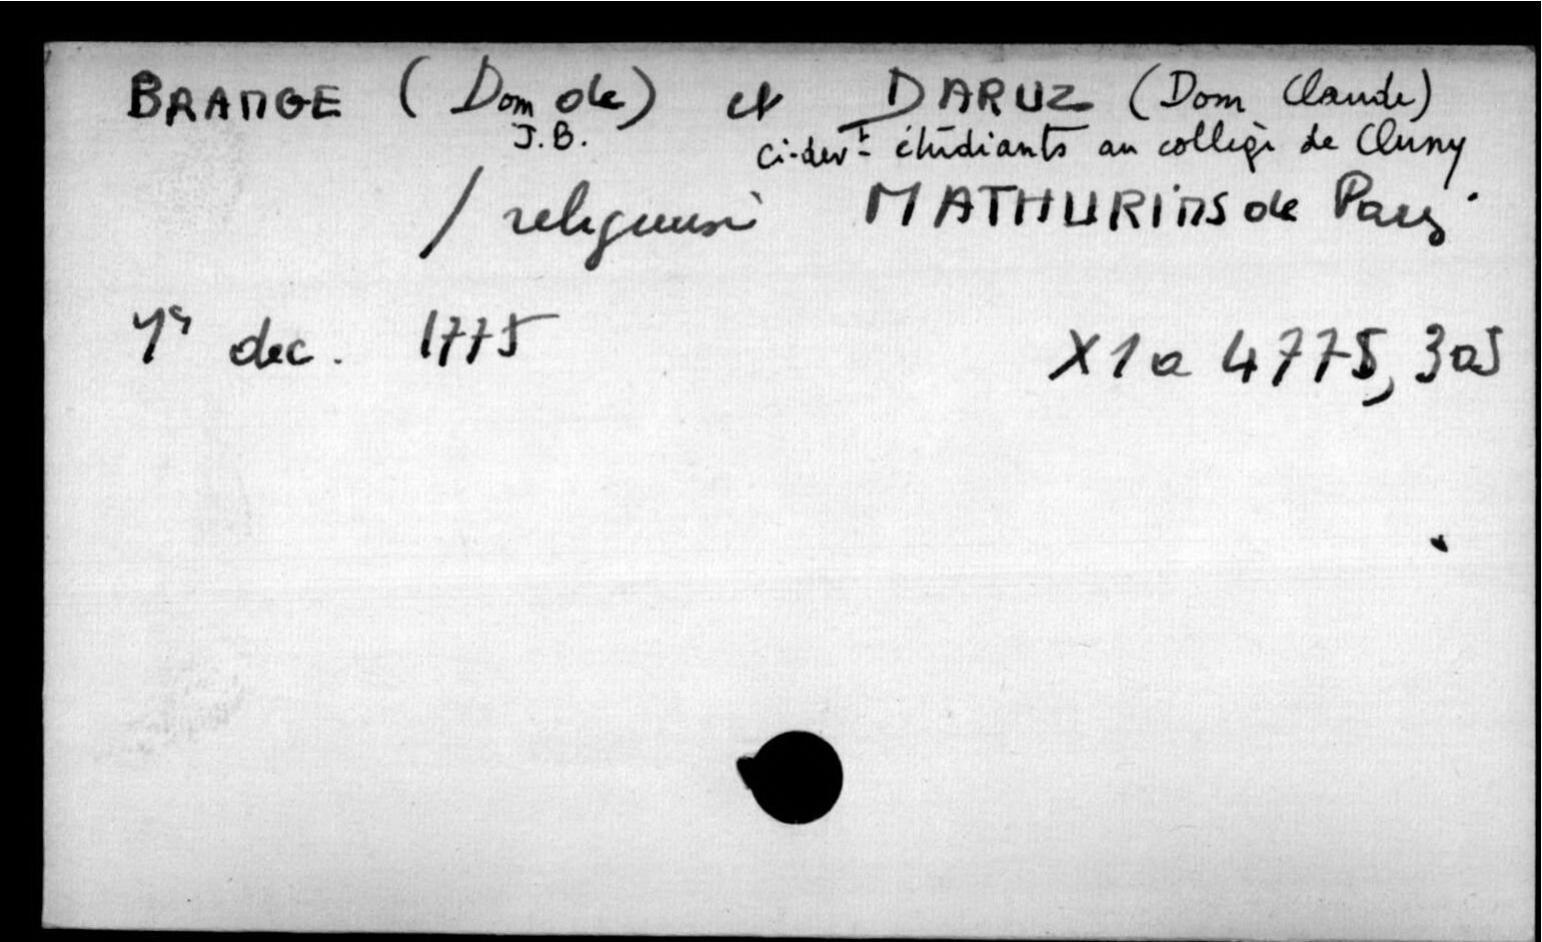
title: BRANGE (J. B. Dom de) et DARUZ (Dom Claude) ci-devant étudiants au collège de Cluny.
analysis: Contre religieux MATHURINS de Paris
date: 1 décembre 1775
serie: X1a
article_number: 4775
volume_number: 305
